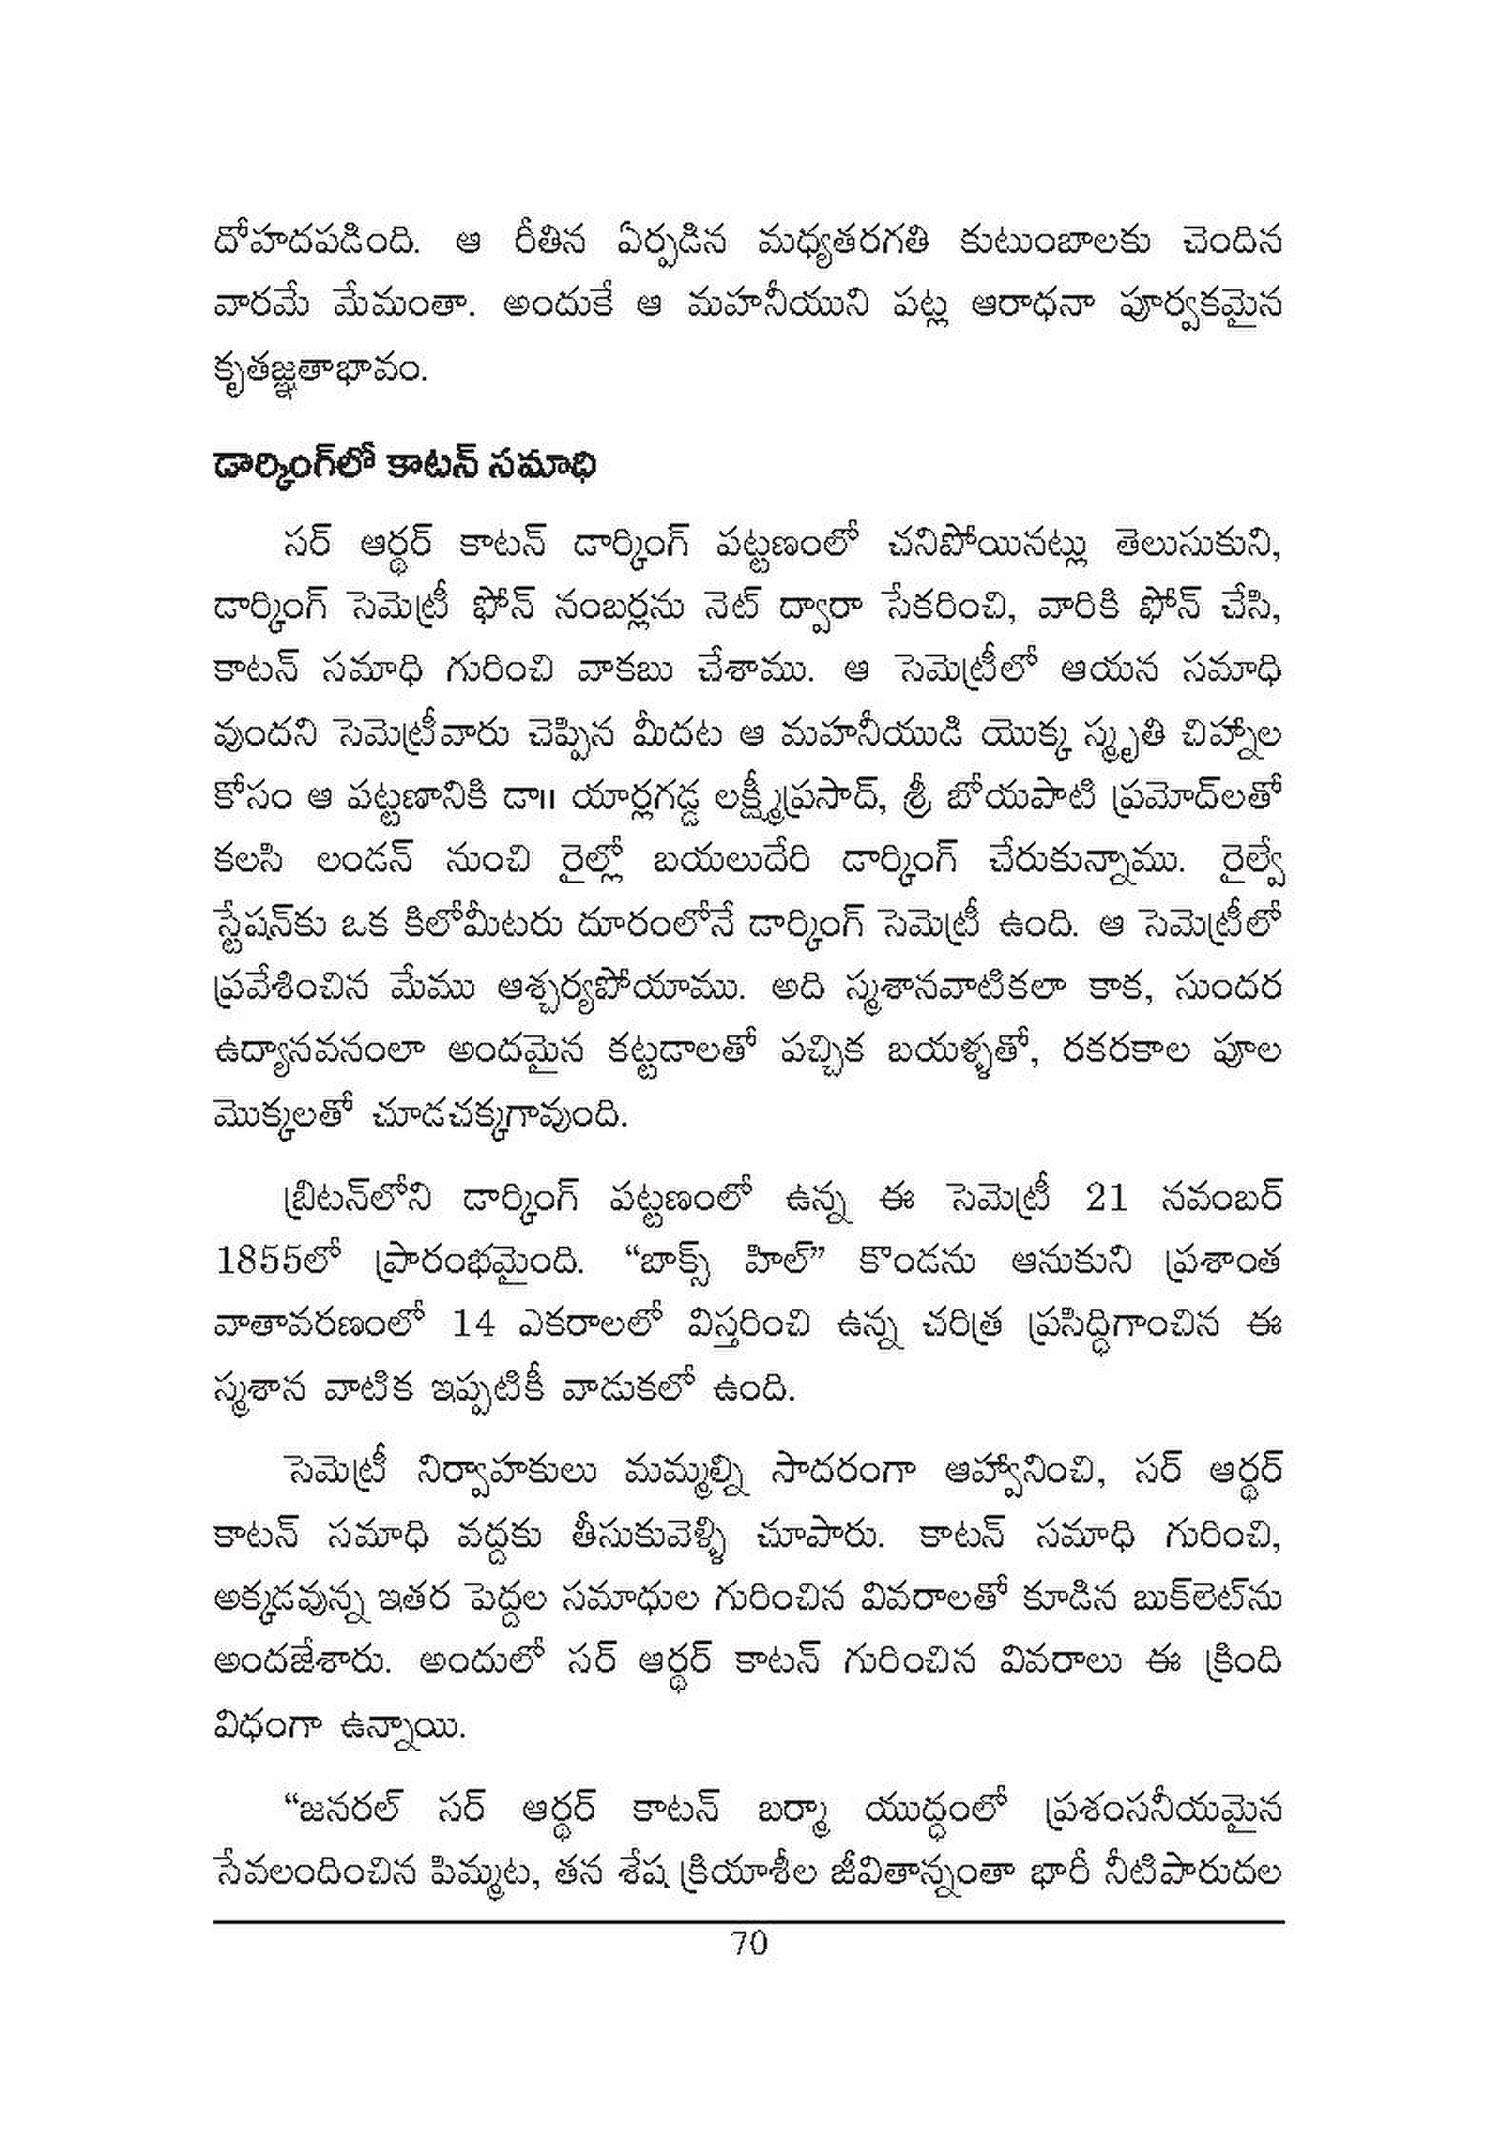దోహదపడింది. ఆ రీతిన ఏర్పడిన మధ్యతరగతి కుటుంబాలకు చెందిన వారమే మేమంతా, అందుకే ఆ మహనీయుని పట్ల ఆరాధనా పూర్వకమైన కృతజ్ఞతాభావం.

డార్కింగ్లో కాటన్ సమాధి

సర్ ఆర్థర్ కాటన్ డార్కింగ్ పట్టణంలో చనిపోయినట్లు తెలుసుకుని, డార్కింగ్ సెమెట్రీ ఫోన్ నంబర్లను నెట్ ద్వారా సేకరించి, వారికి ఫోన్ చేసి, కాటన్ సమాధి గురించి వాకబు చేశాము. ఆ సెమెట్రీలో ఆయన సమాధి వుందని సెమెట్రీవారు చెప్పిన మీదట ఆ మహనీయుడి యొక్క స్మృతి చిహ్నాల కోసం ఆ పట్టణానికి డా॥ యార్లగడ్డ లక్ష్మీప్రసాద్, శ్రీ బోయపాటి ప్రమోద్లతో కలసి లండన్ నుంచి రైల్లో బయలుదేరి డార్కింగ్ చేరుకున్నాము. రైల్వే స్టేషన్‌కు ఒక కిలోమీటరు దూరంలోనే డార్కింగ్ సెమెట్రీ ఉంది. ఆ సెమెట్రీలో ప్రవేశించిన మేము ఆశ్చర్యపోయాము. అది స్మశానవాటికలా కాక, సుందర ఉద్యానవనంలా అందమైన కట్టడాలతో పచ్చిక బయళ్ళతో, రకరకాల పూల మొక్కలతో చూడచక్కగావుంది.

బ్రిటన్లోని డార్కింగ్ పట్టణంలో ఉన్న ఈ సెమెట్రీ 21 నవంబర్ 1855లో ప్రారంభమైంది. "బాక్స్ హిల్" కొండను ఆనుకుని ప్రశాంత వాతావరణంలో 14 ఎకరాలలో విస్తరించి ఉన్న చరిత్ర ప్రసిద్ధిగాంచిన ఈ స్మశాన వాటిక ఇప్పటికీ వాడుకలో ఉంది.

సెమెట్రీ నిర్వాహకులు మమ్మల్ని సాదరంగా ఆహ్వానించి, సర్ ఆర్థర్ కాటన్ సమాధి వద్దకు తీసుకువెళ్ళి చూపారు. కాటన్ సమాధి గురించి, అక్కడవున్న ఇతర పెద్దల సమాధుల గురించిన వివరాలతో కూడిన బుక్లెట్ను అందజేశారు. అందులో సర్ ఆర్థర్ కాటన్ గురించిన వివరాలు ఈ క్రింది విధంగా ఉన్నాయి.

"జనరల్ సర్ ఆర్థర్ కాటన్ బర్మా యుద్ధంలో ప్రశంసనీయమైన సేవలందించిన పిమ్మట, తన శేష క్రియాశీల జీవితాన్నంతా భారీ నీటిపారుదల